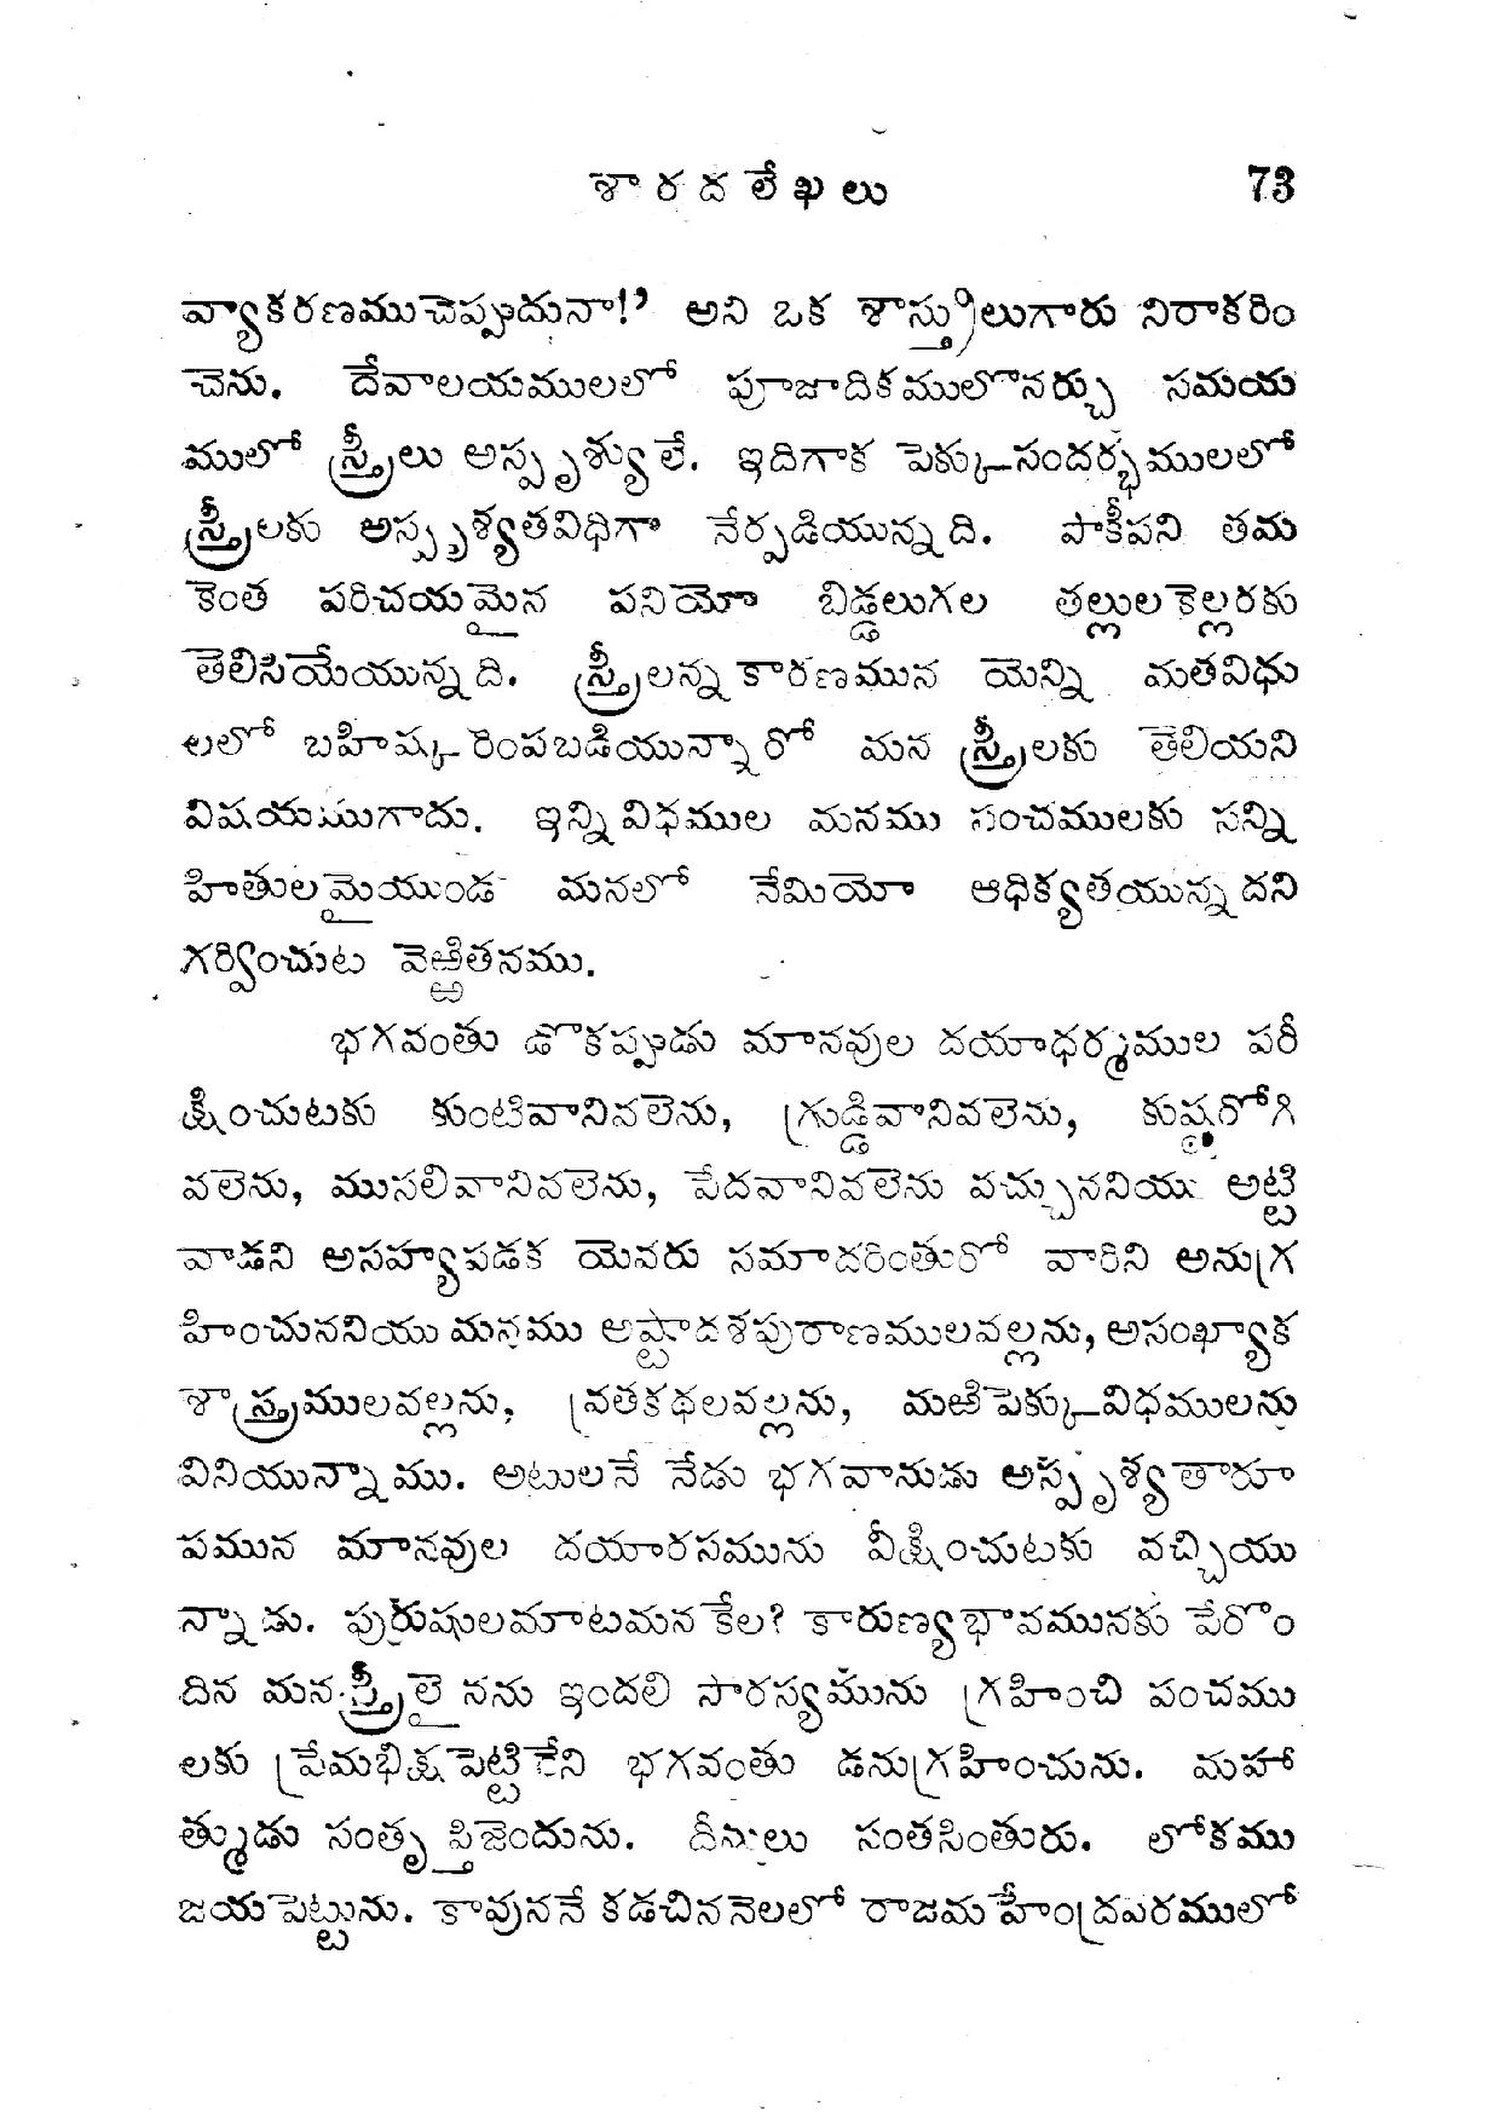వ్యాకరణము చెప్పుదునా!' అని ఒక శాస్త్రులుగారు నిరాకరిం
చెను దేవాలయములలో పూజాదికములొనర్చు సమయ
ములో స్త్రీలు అస్పృశ్యులే. ఇదిగాక పెక్కు సందర్భములలో
స్త్రీలకు అస్పృశ్యతవిధిగా నేర్పడియున్నది. పాకీపని తమ
కెంత పరిచయమైన పనియో బిడ్డలుగల తల్లుల కెల్లరకు
తెలిసియేయున్నది. స్త్రీలన్న కారణమున యెన్ని మత విధు
లలో బహిష్క రింపబడియున్నారో మన స్త్రీలకు తెలియని
విషయసుగాదు. ఇన్ని విధముల మనము పంచములకు సన్ని
హితులమైయుండ మనలో నేమియో ఆధిక్యతయున్న దని
గర్వించుట వెఱ్ఱితనము.
భగవంతు డొకప్పుడు మానవుల దయాధర్మముల పరీ
క్షించుటకు కుంటివానివలెను, గ్రుడ్డివానివలెను, కుష్ఠరోగి
వలెను, ముసలివానివలెను, పేదవానివలెను వచ్చుననియు అట్టి
వాడని అసహ్యపడక యెవరు సమాదరింతురో వారిని అనుగ్ర
హించుననియు మనము అష్టాదశపురాణములవల్లను, అసంఖ్యాక
శాస్త్రములవల్లను, వ్రతకథలవల్లను, మఱి పెక్కువిధములను
వినియున్నాము. అటులనే నేడు భగవానుడు అస్పృశ్యతారూ
పమున మానవులు దయారసమును వీక్షించుటకు వచ్చియు
న్నాడు. పురుషులమాటమన కేల? కారుణ్యభావమునకు పేరొం
దిన మన స్త్రీలై నను ఇందలి సారస్యమును గ్రహించి పంచము
లకు ప్రేమభిక్ష పెట్టి దేని భగవంతు డనుగ్రహించును. మహా
త్ముడు సంతృప్తిజెందును. దీనులు సంతసింతురు. లోకము
జయ పెట్టును. కావుననే కడచిననెలలో రాజమహేంద్రవరములో